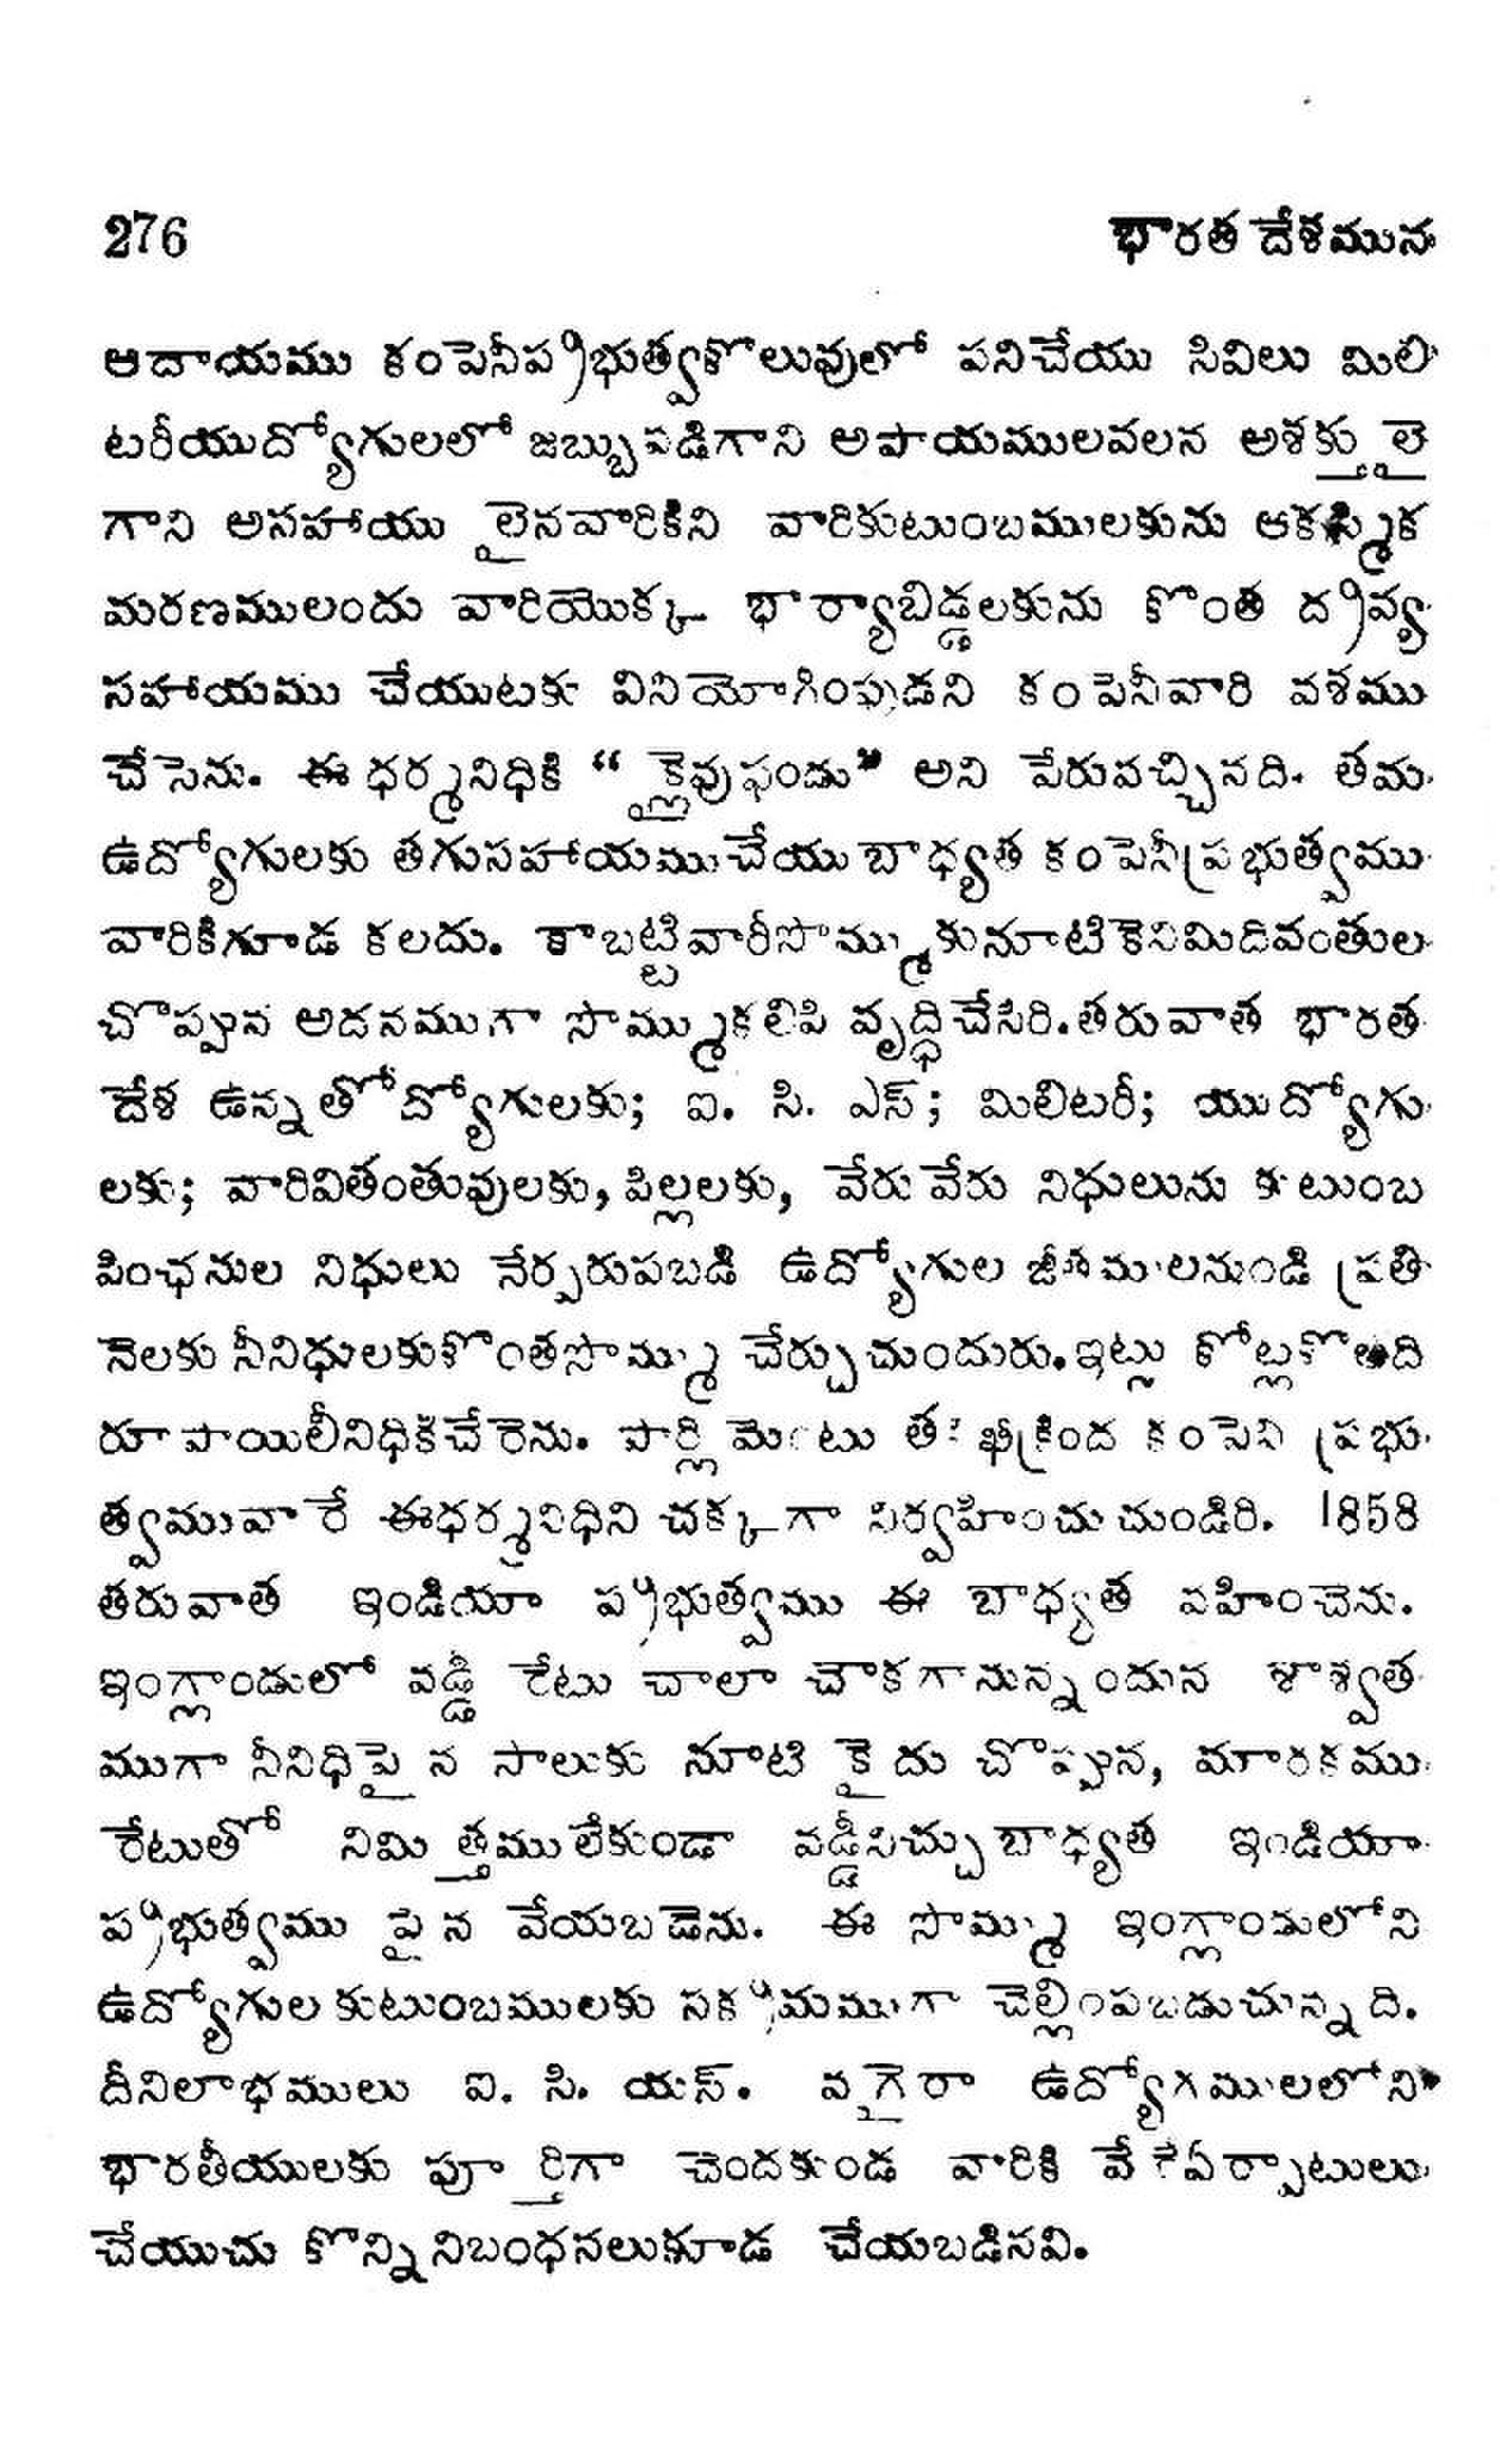ఆదాయము కంపెనీప్రభుత్వకొలువులో పనిచేయు సివిలు మిలిటరీయుద్యోగులలో జబ్బుపడిగాని అపాయములవలన అశక్తులై గాని అసహాయు లైనవారికిని వారికుటుంబములకును ఆకస్మిక మరణములందు వారియొక్క భార్యాబిడ్డలకును కొంత ద్రవ్య సహాయము చేయుటకు వినియోగింపుడని కంపెనీవారి వశముచేసెను. ఈ ధర్మనిధికి "క్లైవు ఫండు" అని పేరువచ్చినది. తమ ఉద్యోగులకు తగుసహాయము చేయు బాధ్యత కంపెనీప్రభుత్వము వారికిగూడ కలదు. కాబట్టివారిసొమ్ముకునూటి కెనిమిదివంతుల చొప్పున అదనముగా సొమ్ముకలిపి వృద్ధిచేసేరి. తరువాత భారతదేశ ఉన్నతోద్యోగులకు; ఐ. సి. ఎస్; మిలిటరీ; యుద్యోగులకు; వారివితంతువులకు, పిల్లలకు, వేరువేరు నిధులును కటుంబ పింఛనుల నిధులు నేర్పరుపబడి ఉద్యోగుల జీతములనుండి ప్రతినెలకు నీనిధులకుకొంతసొమ్ము చేర్చుచుందురు. ఇట్లు కోట్లకొలది రూపాయిలీనిధికిచేరెను. పార్లిమెంటు తనిఖీక్రింద కంపెనీ ప్రభుత్వమువారే ఈధర్మనిధిని చక్కగా నిర్వహించుచుండిరి. 1858 తరువాత ఇండియా ప్రభుత్వము ఈ బాధ్యత వహించెను. ఇంగ్లాండులో వడ్డీ రేటు చాలా చౌకగానున్నందున శాశ్వతముగా నీనిధిపైన సాలుకు నూటి కైదు చొప్పున, మారకము రేటుతో నిమిత్తములేకుండా వడ్డీనిచ్చుబాధ్యత ఇండియా ప్రభుత్వముపైన వేయబడెను. ఈ సొమ్ము ఇంగ్లాండులోని ఉద్యోగుల కుటుంబములకు సక్రమముగా చెల్లింపబడుచున్నది. దీనిలాభములు ఐ. సి.యస్. వగైరా ఉద్యోగములలోని భారతీయులకు పూర్తిగా చెందకుండ వారికి వేరేఏర్పాటులు, చేయుచు కొన్నినిబంధనలుకూడ చేయబడినవి.